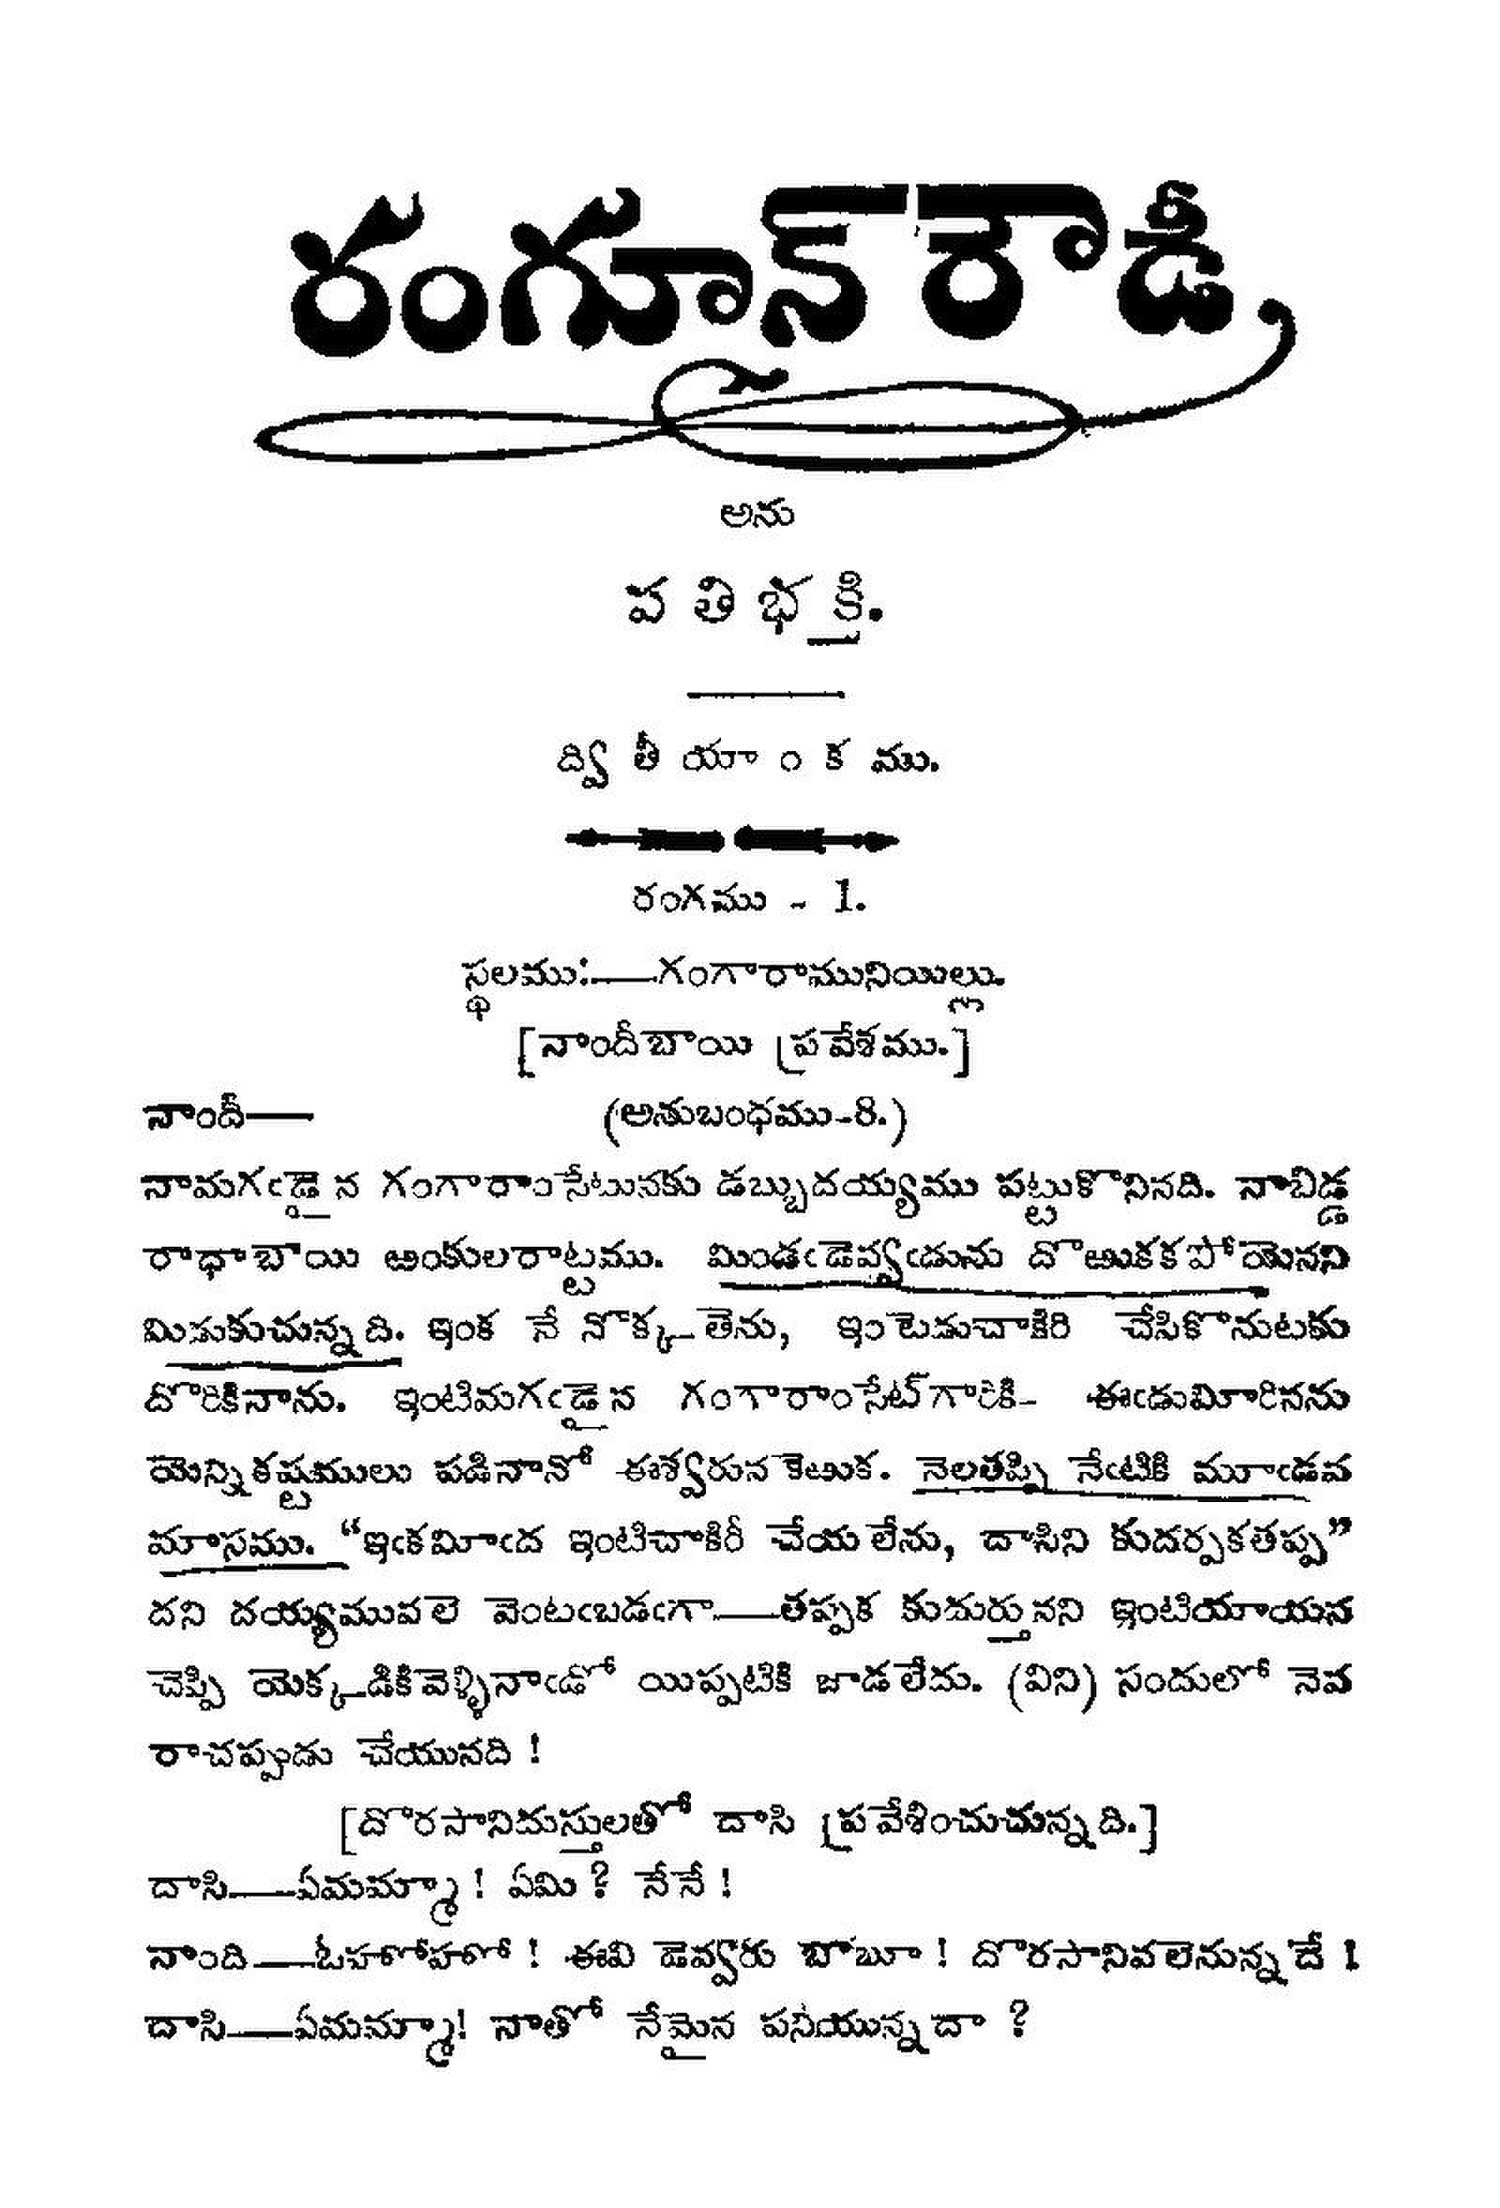రంగూన్ రౌడీ

పతిభక్తి.
ద్వితీయాంకము.

నాందీ

నామగఁడైన గంగారాంసేటునకు డబ్బుదయ్యము పట్టుకొనినది. నాబిడ్డ రాధాబాయి ఱంకులరాట్టము. మిండఁడెవ్వడును దొఱుకకపోయెనని మిడుకుచున్నది. ఇంక నే నొక్కతెను, ఇంటెడుచాకిరి చేసికొనుటకు దొరికినాను. ఇంటిమగఁడైన గంగారాంసేట్‌గారికి. ఈఁడుమీరినను
యెన్నికష్టములు పడినానో ఈశ్వరున కెఱుక. నెలతప్పి నేటికి మూఁడవ మాసము. “ఇఁకమీఁద ఇంటిచాకిరీ చేయలేను, దాసిని కుదర్పకతప్ప"దని దయ్యమువలె వెంటఁబడఁగా - తప్పక కుదుర్తునని ఇంటియాయన చెప్పి యెక్కడికివెళ్ళినాఁడో యిప్పటికి జాడలేదు. (విని) సందులో నెవరాచప్పుడు చేయునది !

 
దాసి - ఏమమ్మా! ఏమి? నేనే!

నాంది - ఓహోహో ! ఈవి డెవ్వరు బాబూ ! దొరసానివలెనున్నదే !

దాసి - ఏమమ్మా! నాతో నేమైన పనియున్నదా ?